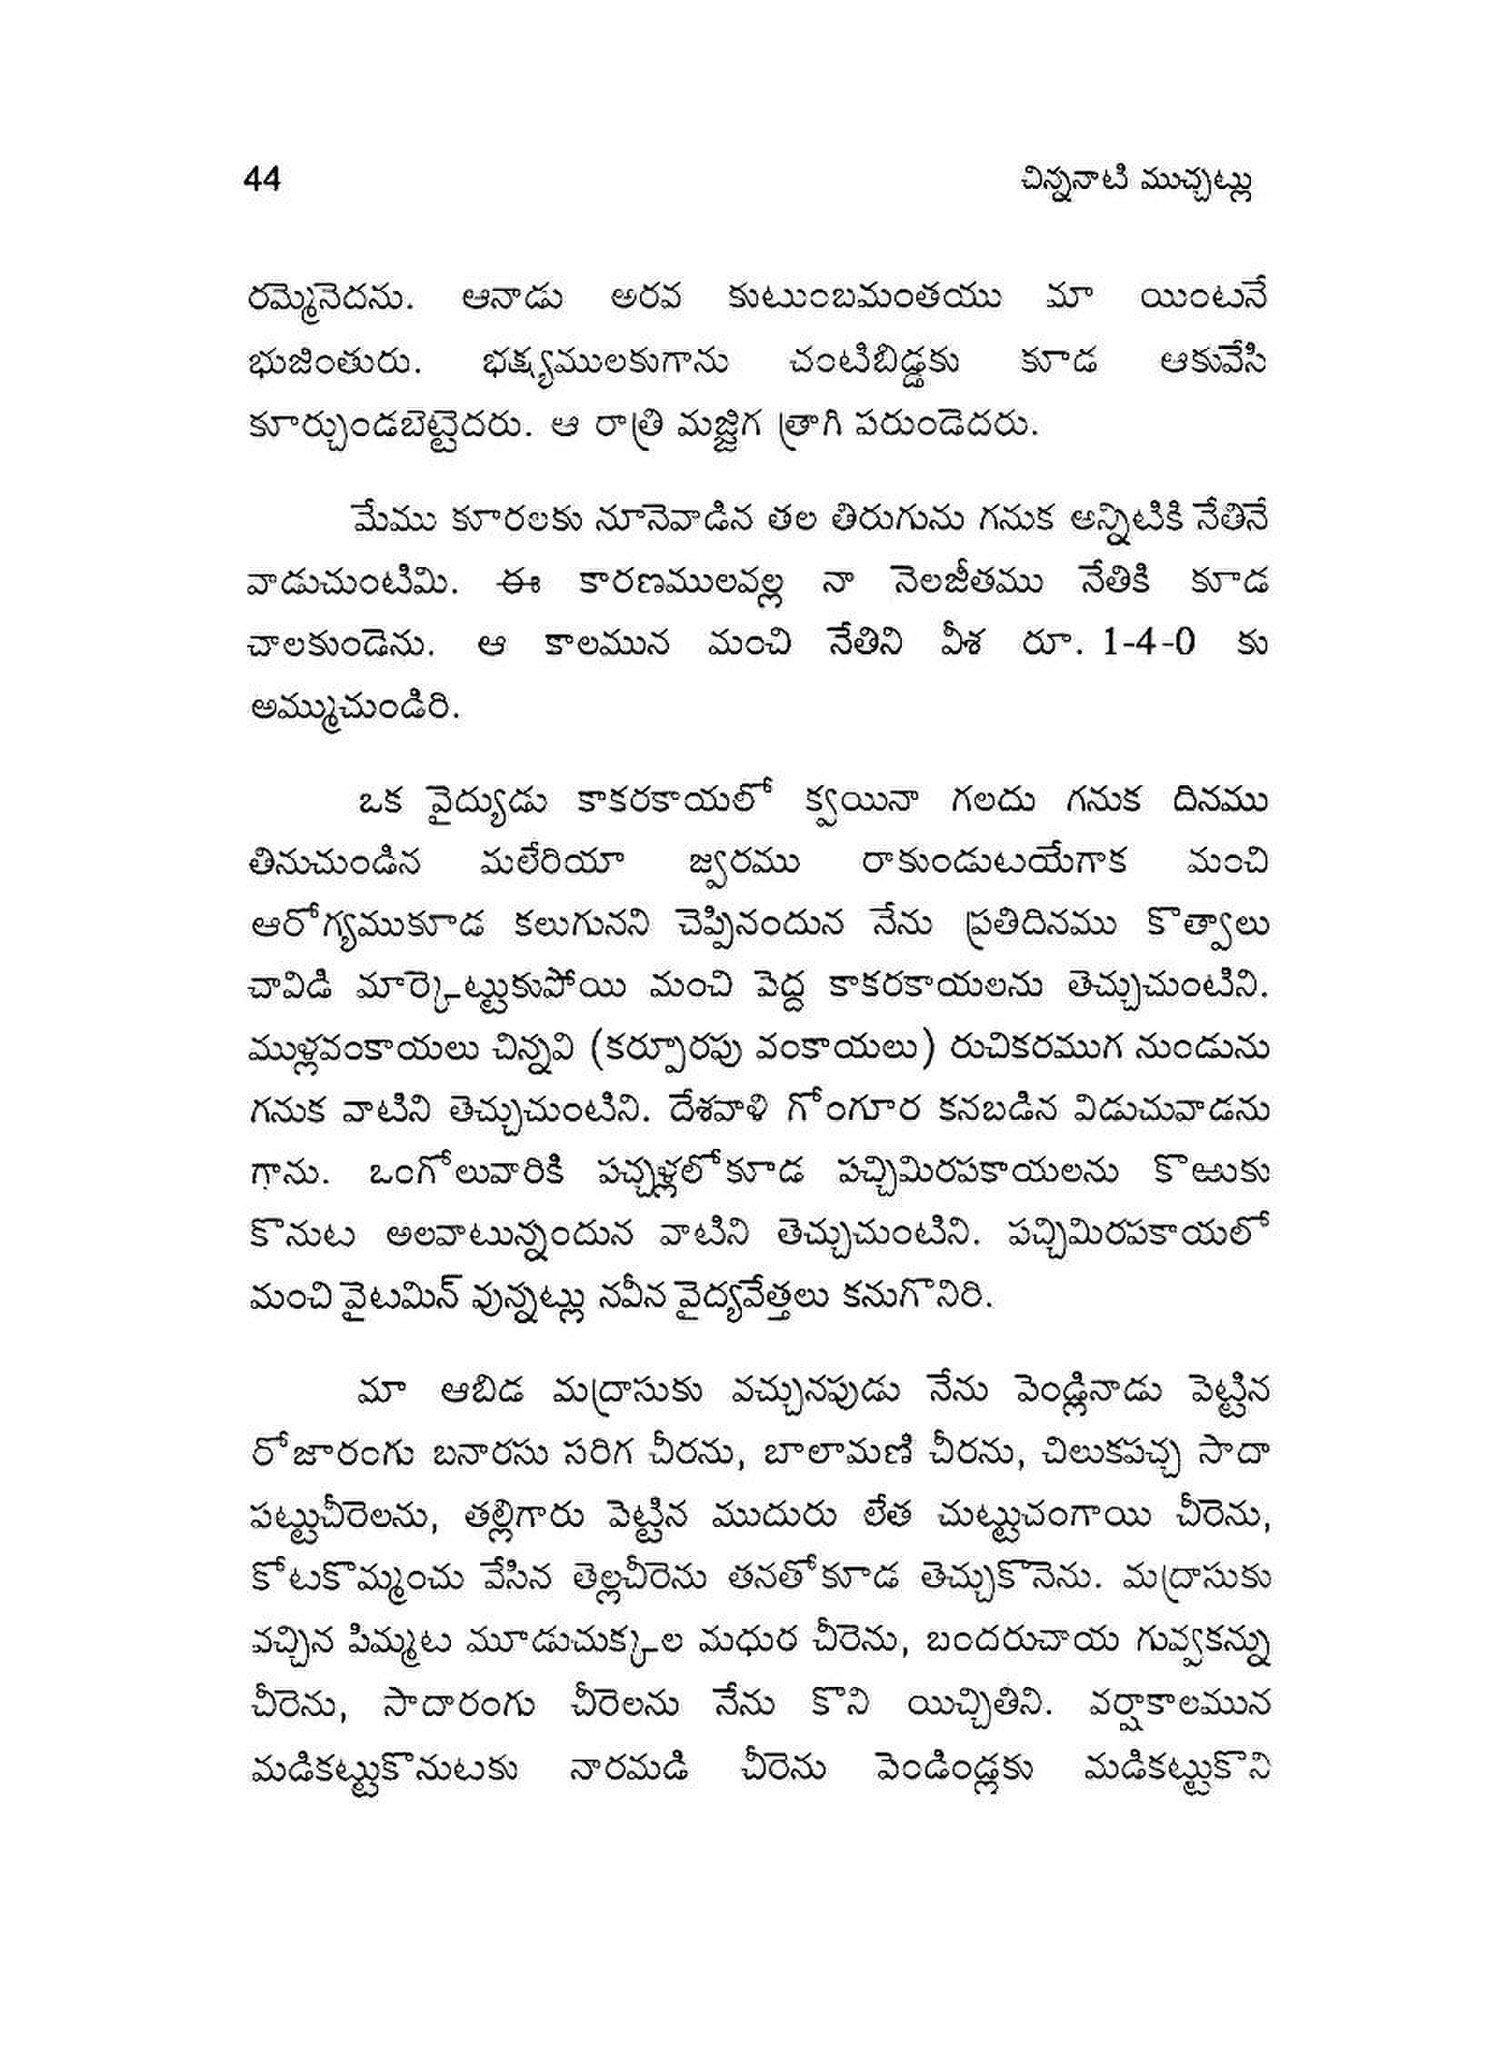రమ్మనెదను. ఆనాడు అరవ కుటుంబమంతయు మా యింటనే భుజింతురు. భక్ష్యములకుగాను చంటిబిడ్డకు కూడ ఆకువేసి కూర్చుండబెట్టెదరు. ఆ రాత్రి మజ్జిగ త్రాగి పరుండెదరు.

మేము కూరలకు నూనెవాడిన తల తిరుగును గనుక అన్నిటికి నేతినే వాడుచుంటిమి. ఈ కారణములవల్ల నా నెలజీతము నేతికి కూడ చాలకుండెను. ఆ కాలమున మంచి నేతిని వీశ రూ. 1-4-0 కు అమ్ముచుండిరి.

ఒక వైద్యుడు కాకరకాయలో క్వయినా గలదు గనుక దినము తినుచుండిన మలేరియా జ్వరము రాకుండుటయేగాక మంచి ఆరోగ్యముకూడ కలుగునని చెప్పినందున నేను ప్రతిదినము కొత్వాలు చావిడి మార్కెట్టుకుపోయి మంచి పెద్ద కాకరకాయలను తెచ్చుచుంటిని. ముళ్లవంకాయలు చిన్నవి (కర్పూరపు వంకాయలు) రుచికరముగ నుండును గనుక వాటిని తెచ్చుచుంటిని. దేశవాళి గోంగూర కనబడిన విడుచువాడను గాను. ఒంగోలువారికి పచ్చళ్లలోకూడ పచ్చిమిరపకాయలను కొఱుకు కొనుట అలవాటున్నందున వాటిని తెచ్చుచుంటిని. పచ్చిమిరపకాయలో మంచి వైటమిన్ వున్నట్టు నవీన వైద్యవేత్తలు కనుగొనిరి.

మా ఆబిడ మద్రాసుకు వచ్చునపుడు నేను పెండ్లినాడు పెట్టిన రోజారంగు బనారసు సరిగ చీరను, బాలామణి చీరను, చిలుకపచ్చ సాదా పట్టుచీరెలను, తల్లిగారు పెట్టిన ముదురు లేత చుట్టుచంగాయి చీరెను, కోటకొమ్మంచు వేసిన తెల్లచీరెను తనతో కూడ తెచ్చుకొనెను. మద్రాసుకు వచ్చిన పిమ్మట మూడుచుక్కల మధుర చీరెను, బందరుచాయ గువ్వకన్ను చీరెను, సాదారంగు చీరెలను నేను కొని యిచ్చితిని. వర్షాకాలమున మడికట్టుకొనుటకు నారమడి చీరెను పెండిండ్లకు మడికట్టుకొని